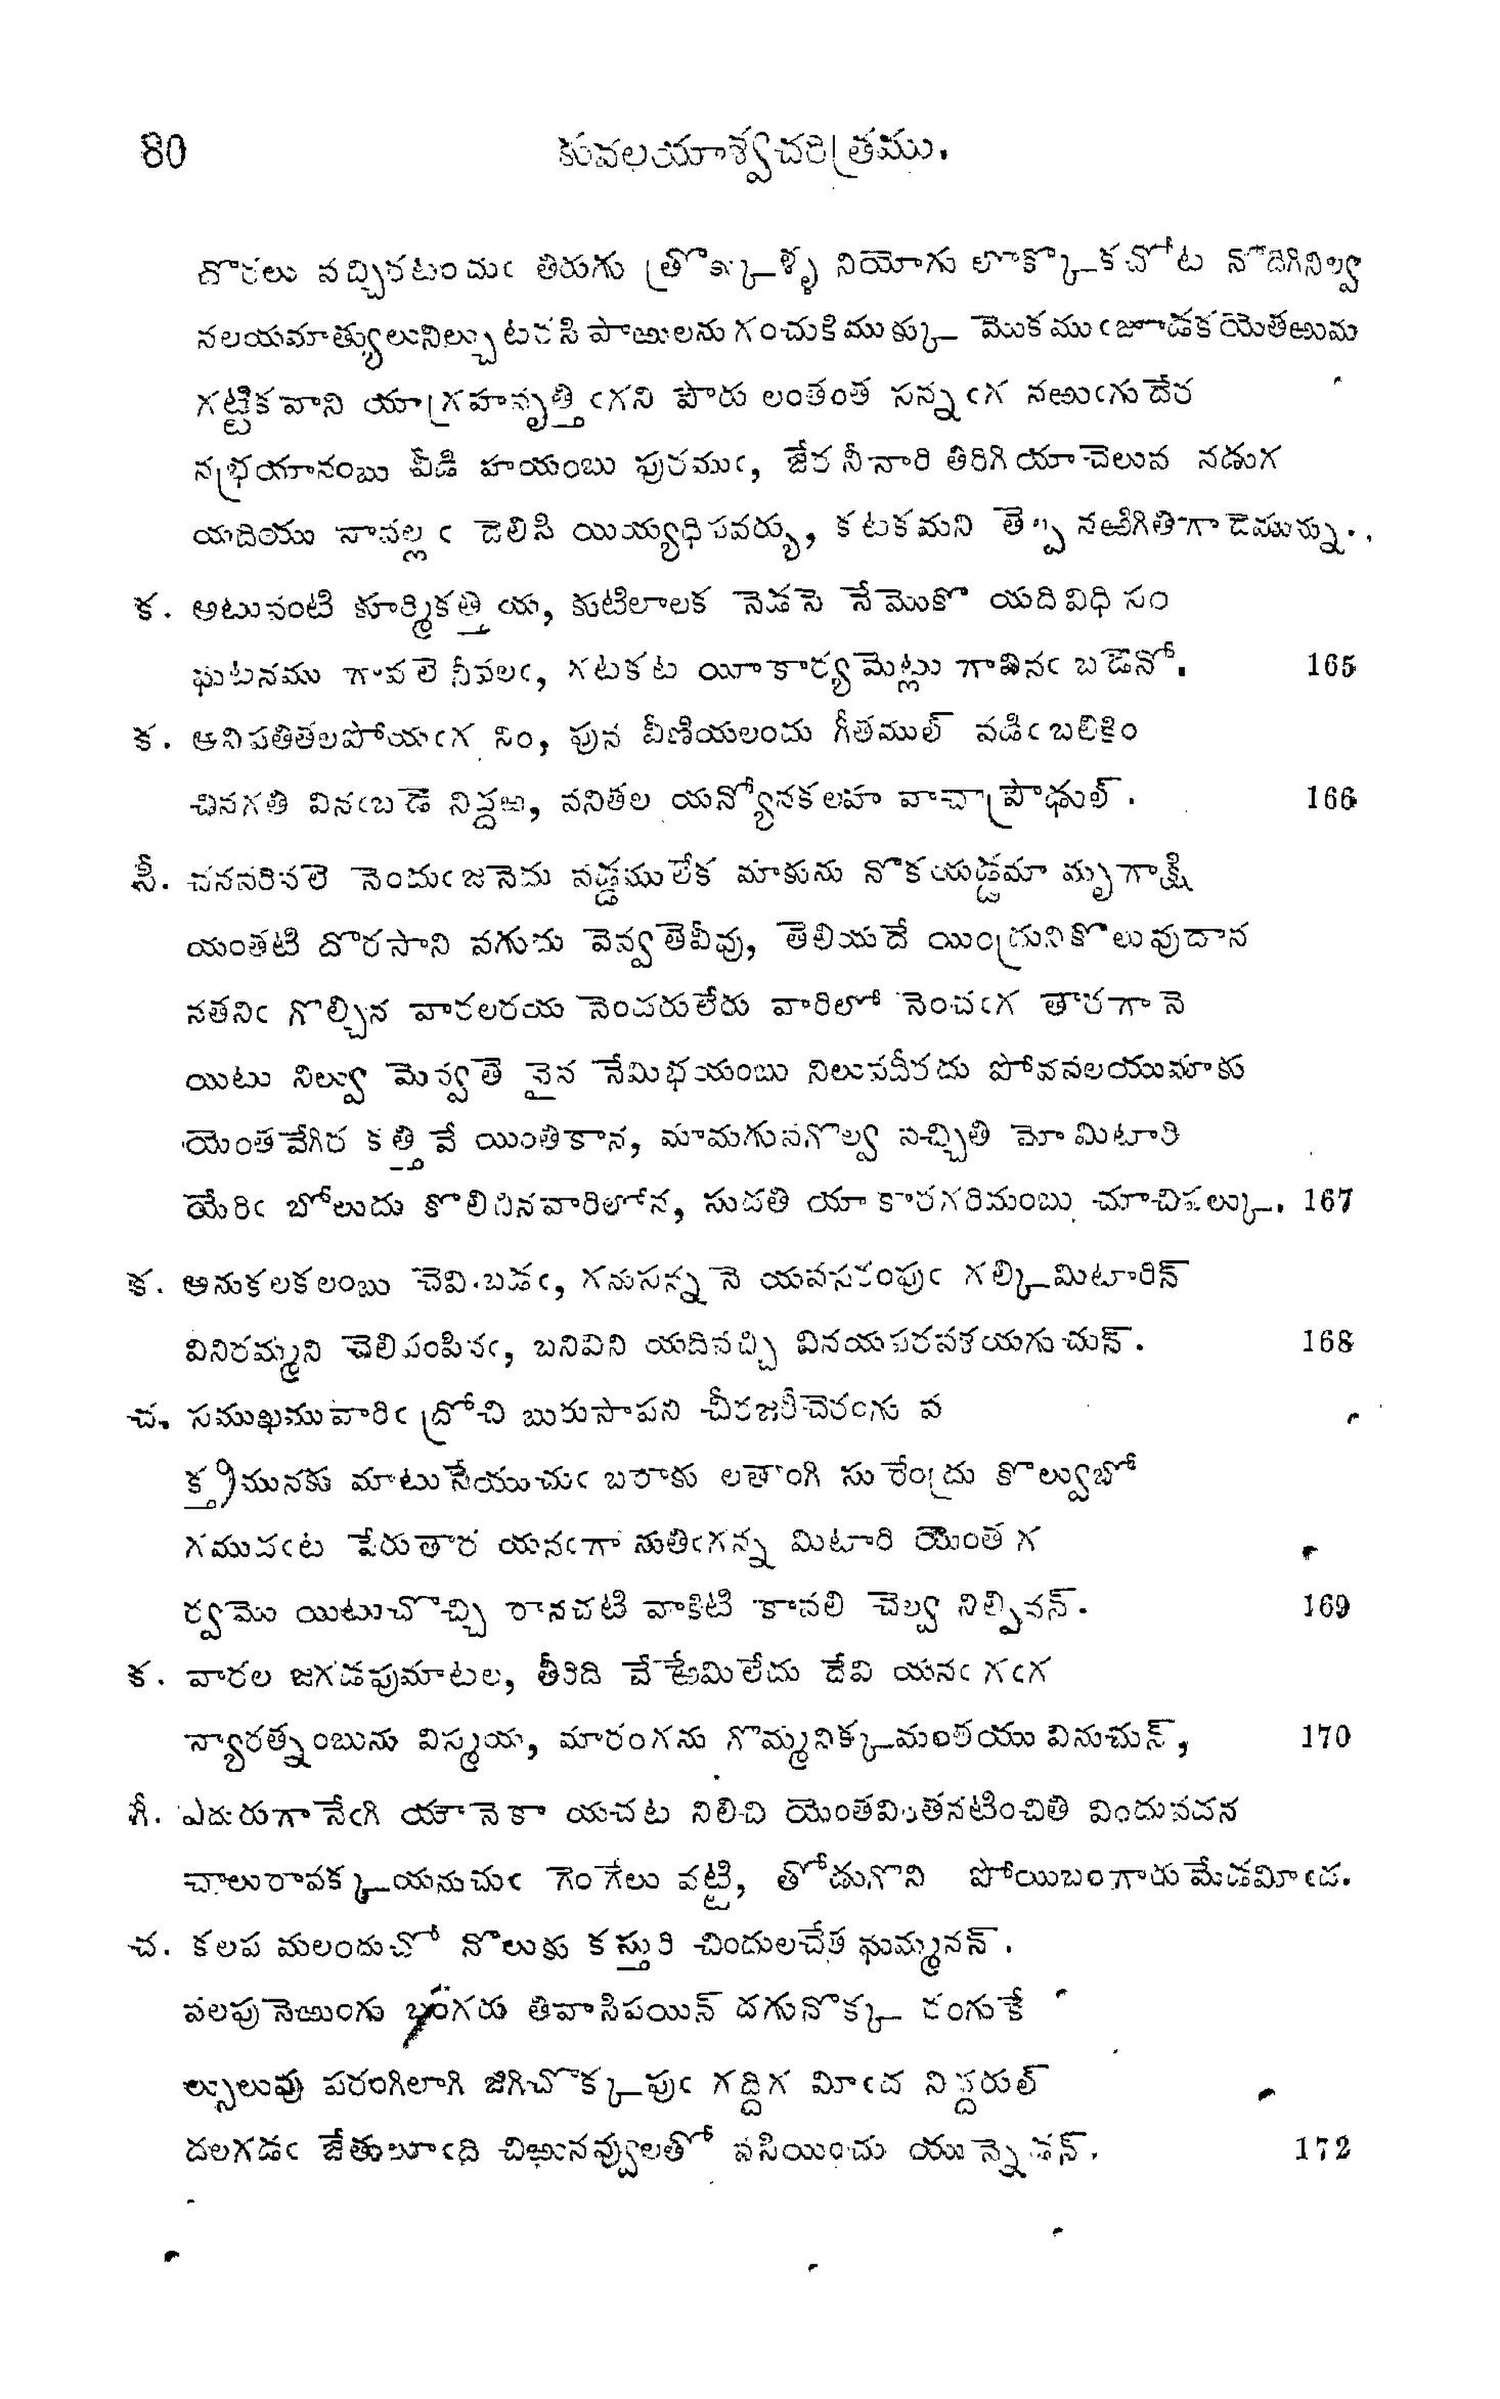దొరలు వచ్చిరటంచుఁ తిరుగు తొక్కుళ్ళ నియోగు లొక్కొకచోట నొదిగినిల్వ
నలయమాత్యులు నిల్చు టరసి పాఱులను గంచుకి ముక్కుమొకముఁ జూడకయె తఱుమ
గట్టికవాని యాగ్రహవృత్తిఁ గని పౌరు లంతంత సన్నఁగ నఱుఁగుదేర
నభ్రయానంబు వీడి హయంబు పురముఁ, జేక నీనారి తిరిగి యాచెలువ నడుగ
యదియు నావల్లఁ దెలిసి యియ్యధిపవర్యు, కటకమని తెల్పనఱిగితిగాదె మున్ను.
క. అటువంటి కూర్మికత్తియ, కుటిలాలక నెడసె నేమొకో యది విధి సం
ఘటనము గావలె నీవలఁ, గటకట యీకార్య మెట్లు గావినఁ బడౌనో.
క. ఆని పతి తలపోయఁగ నిం, పున వీణియలంచు గీతముల్ వడిఁ బలికిం
చినగతి వినఁబడె నిద్దఱ, వనితల యన్యోనకలహవాచాప్రౌఢుల్.
సీ. చనవరివలె నెందుఁ జనెదు నడ్డము లేక మాకును నొకయడ్డమా మృగాక్షి
యంతటి దొరసాని వగుదు వెవ్వతె వీవు, తెలియదే యింద్రుని కొలువుదాన
నతనిఁ గొల్చినవార లరయ నెందరు లేరు వారిలో నెంచఁగ తారగానె
యిటు నిల్వు మెవ్వతె వైన నేమిభయంబు నిలువదీరదు పోవవలయు మాకు
యెంతవేగిరకత్తివే యింతికాన, మామగువ గొల్వవచ్చితి మోమిటారి
యేరిఁ బోలుదు కొలిచినవారిలోన, సుదతి యాకారగరిమంబు చూచి పల్కు.
క. అను కలకలంబు చెవిఁ బడఁ, గనుసన్ననె యవసరంపుఁ గల్కిమిటారిన్
వినిరమ్మని చెలి పంపినఁ, బనివిని యది వచ్చి వినయపరవశ యగుచున్.
చ. సముఖమువారిఁ ద్రోచి బురుసాపని చీరజరీచెరంగు వ
స్త్రమునకు మాటు సేయుచుఁ బరాకు లతాంగి సురేంద్రు కొల్వుబో
గముదఁట పేరు తార యనఁగా నుతిఁగన్న మిటారి యెంత గ
ర్వమొ యిటుచొచ్చి రా నచటివాకిటికావలి చెల్వ నిల్పినన్.
క. వారల జగడపుమాటల, తీ రిది వే ఱేమి లేదు దేవి యనఁగఁ గ
న్యారత్నంబును విస్మయ, మారంగను గొమ్మనిక్కమంతయు వినుచున్.
గీ. ఎదురుగా నేగి యౌనెకా యచట నిలిచి యెంతవింత నటించితి విందువదన
చాలు రావక్క యనుచుఁ గెంగేలు వట్టి, తోడుకొనిపోయి బంగారుమేడమీఁద.
చ. కలప మలందుచో నొలుకు కస్తురిచిందులచేత ఘమ్మనన్
వలపు నెఱుంగు బంగరుతివాసిపయిన్ దగునొక్కరంగుకే
ల్సులువు పరంగిలాగి జిగిచొక్కపుఁ గద్దిగమీఁచ నిద్దరుల్
దలగడఁ జేతులూఁది చిఱునవ్వులతో వసియించు యున్నెడన్.